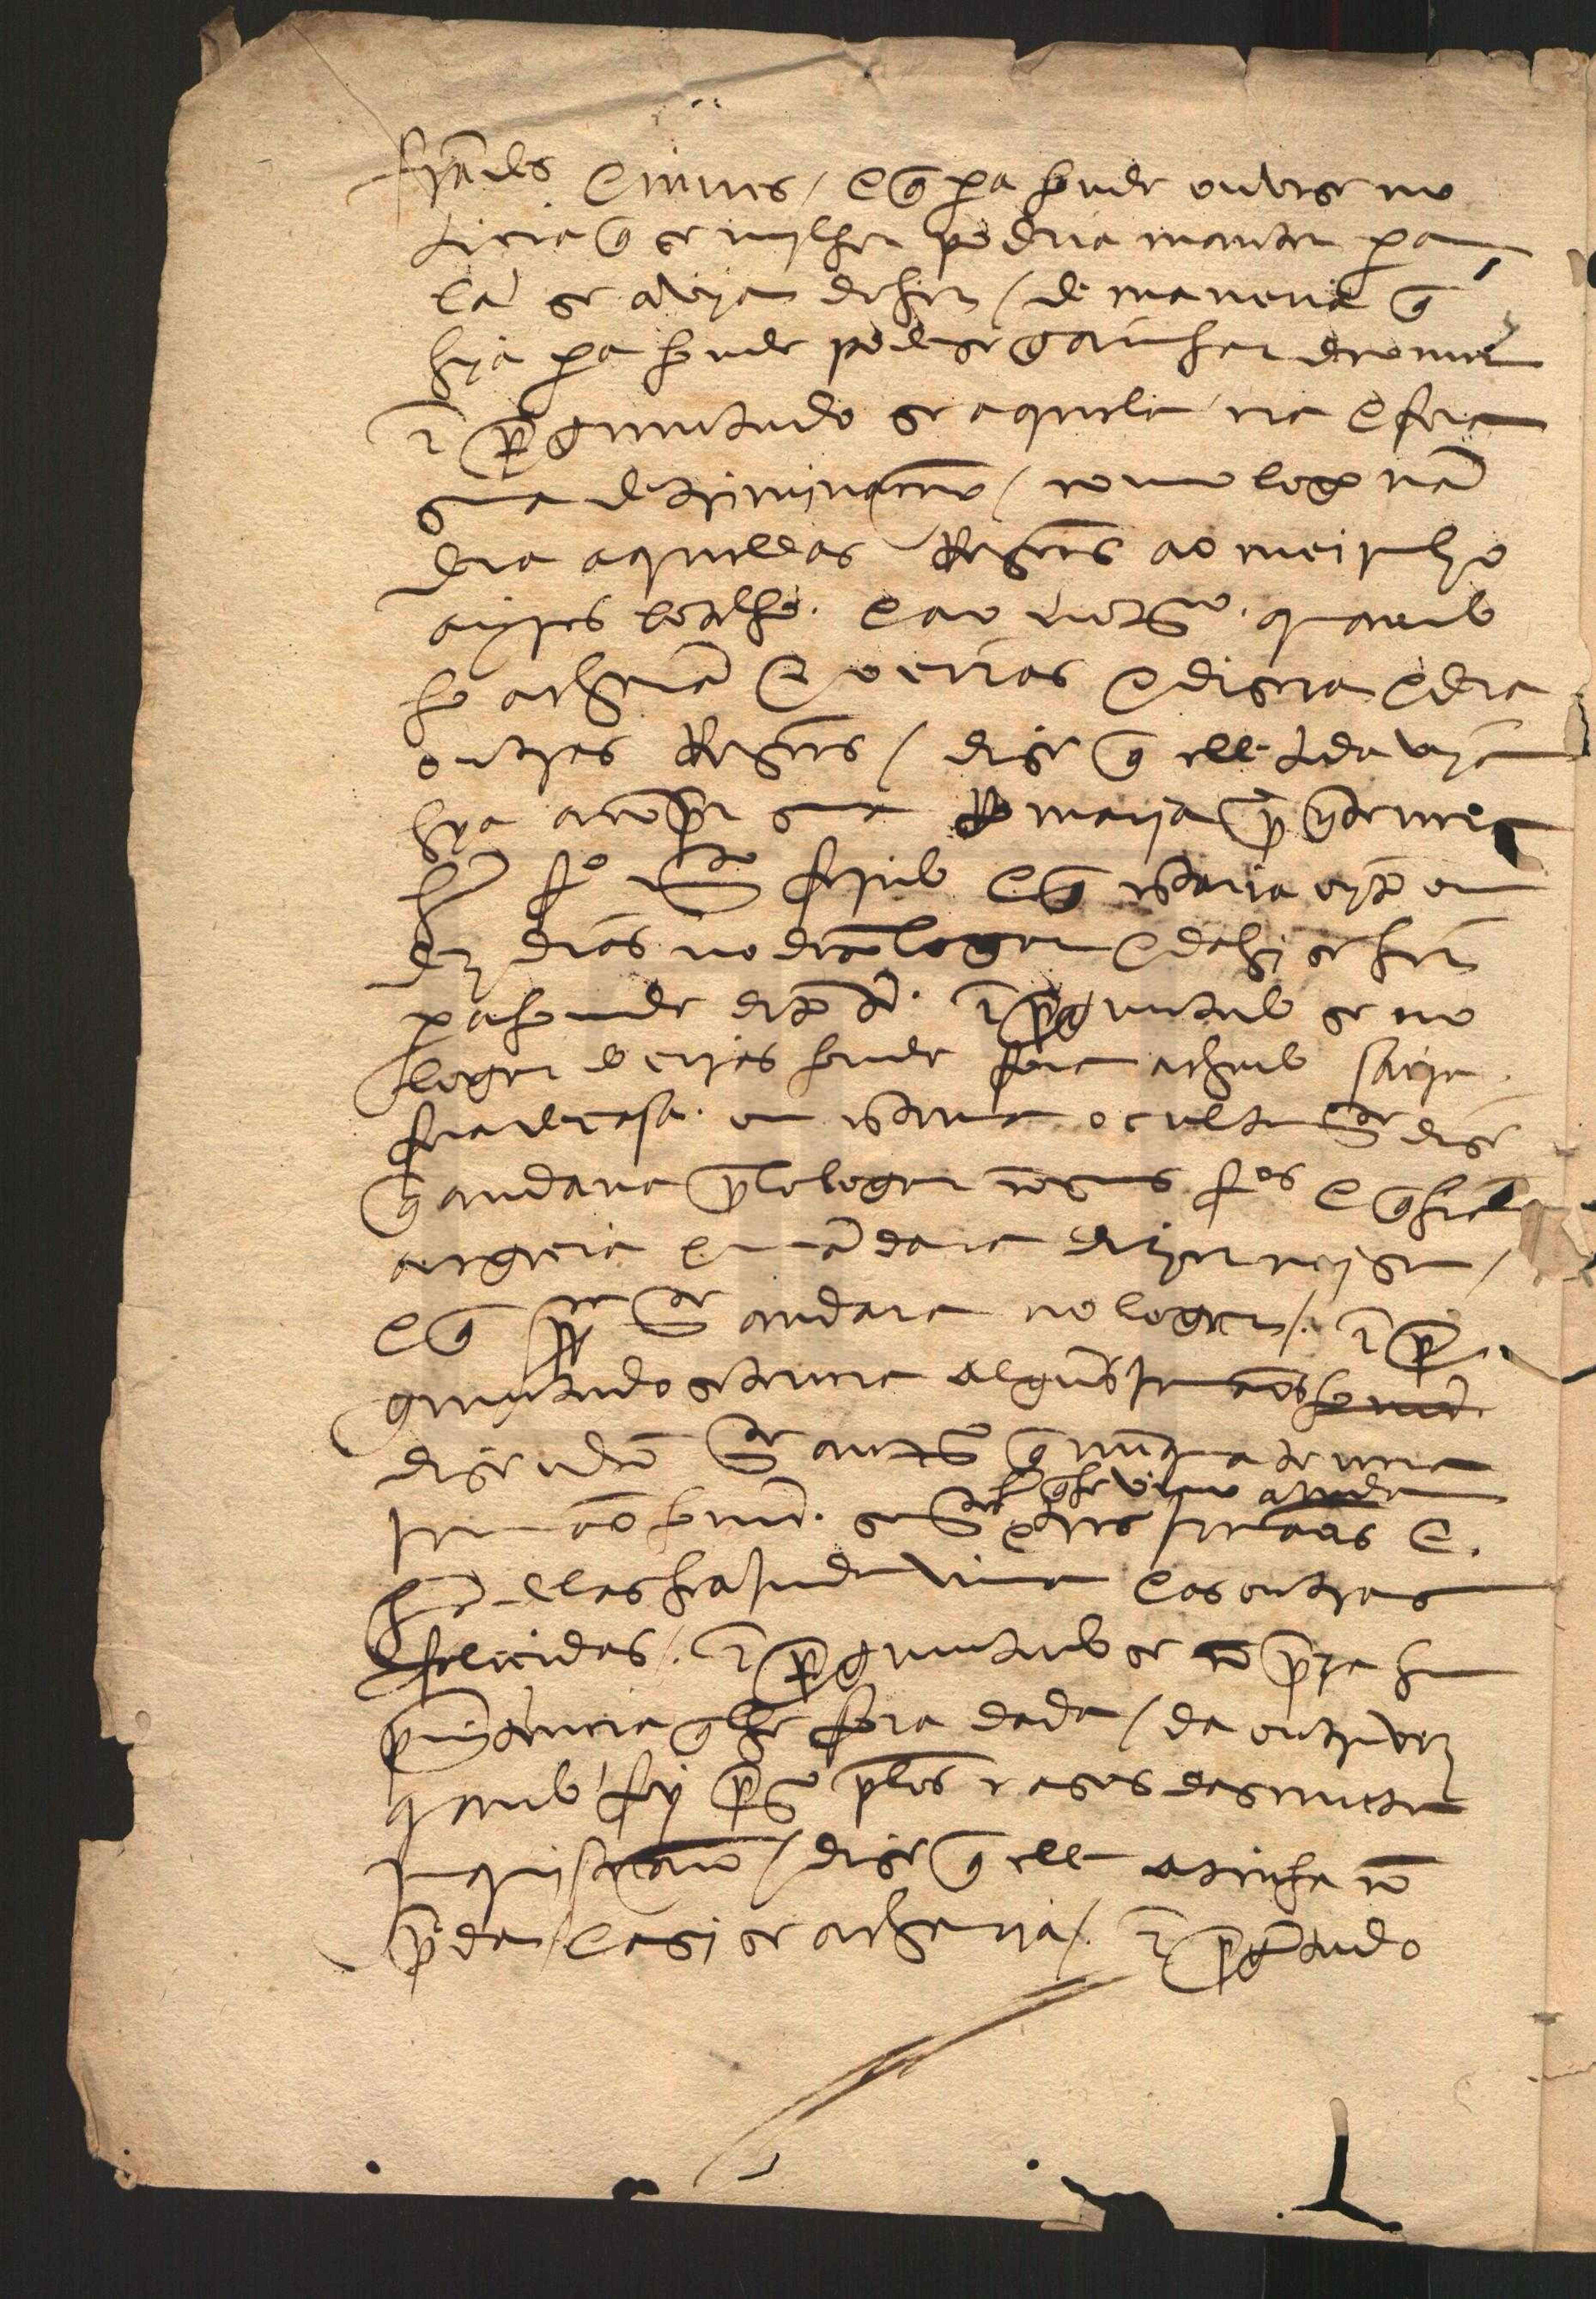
frādes e niues / e q̄ ꝑa honde ouvese no
tiçia q̄ se mjlhor poderia manter ꝑa
la se avya de hir / de maneira q̄
hya ꝑa honde podese gainhar de comer
item p̄gumtado se aquela era e fora
sua detriminação / como logo nā
dera aquellas Rezões ao meirinho
ayres botelho. e ao notro. quando
ho acharā ē oeiras e disera e dera
outras Rezões / dise q̄ elle todavya
hya a c̄op̄r sua Romarja p̄oq̄ teuera
hū fo mto ferido e q̄ estaria oyto ou
dez dias no dito logar e dahi se hir
ꝑa honde dito tē. item p̄guntado se no
logar doeiras honde fora achado saira
fora de casa. ou estaua ocultamte dise
q̄ andaua p̄lo logar c̄o seus fos e q̄ hia
a egreia e mādara dizer mjsa /
e q̄ ꝓpcamte andara no logar /. item p̄
gumtado se teuera algūs Jrmãos homē.
dise o dtō mte anto q̄ nūqua teuera
Jrmão homē. somte
hū q̄ he viuo ainda
e tres Jrmāas E.
huā delas he aJnda viua e as outras
faleçidas /. item p̄gumtado se c̄op̄ra ha
p̄nytençia q̄ lhe fora dada / da outra vez
quando foy p̄so p̄los casos da sancta
Jnqujsição / dise q̄ elle a tinha c̄o
p̄ida / e asj se acharia /. item p̄gūtado
